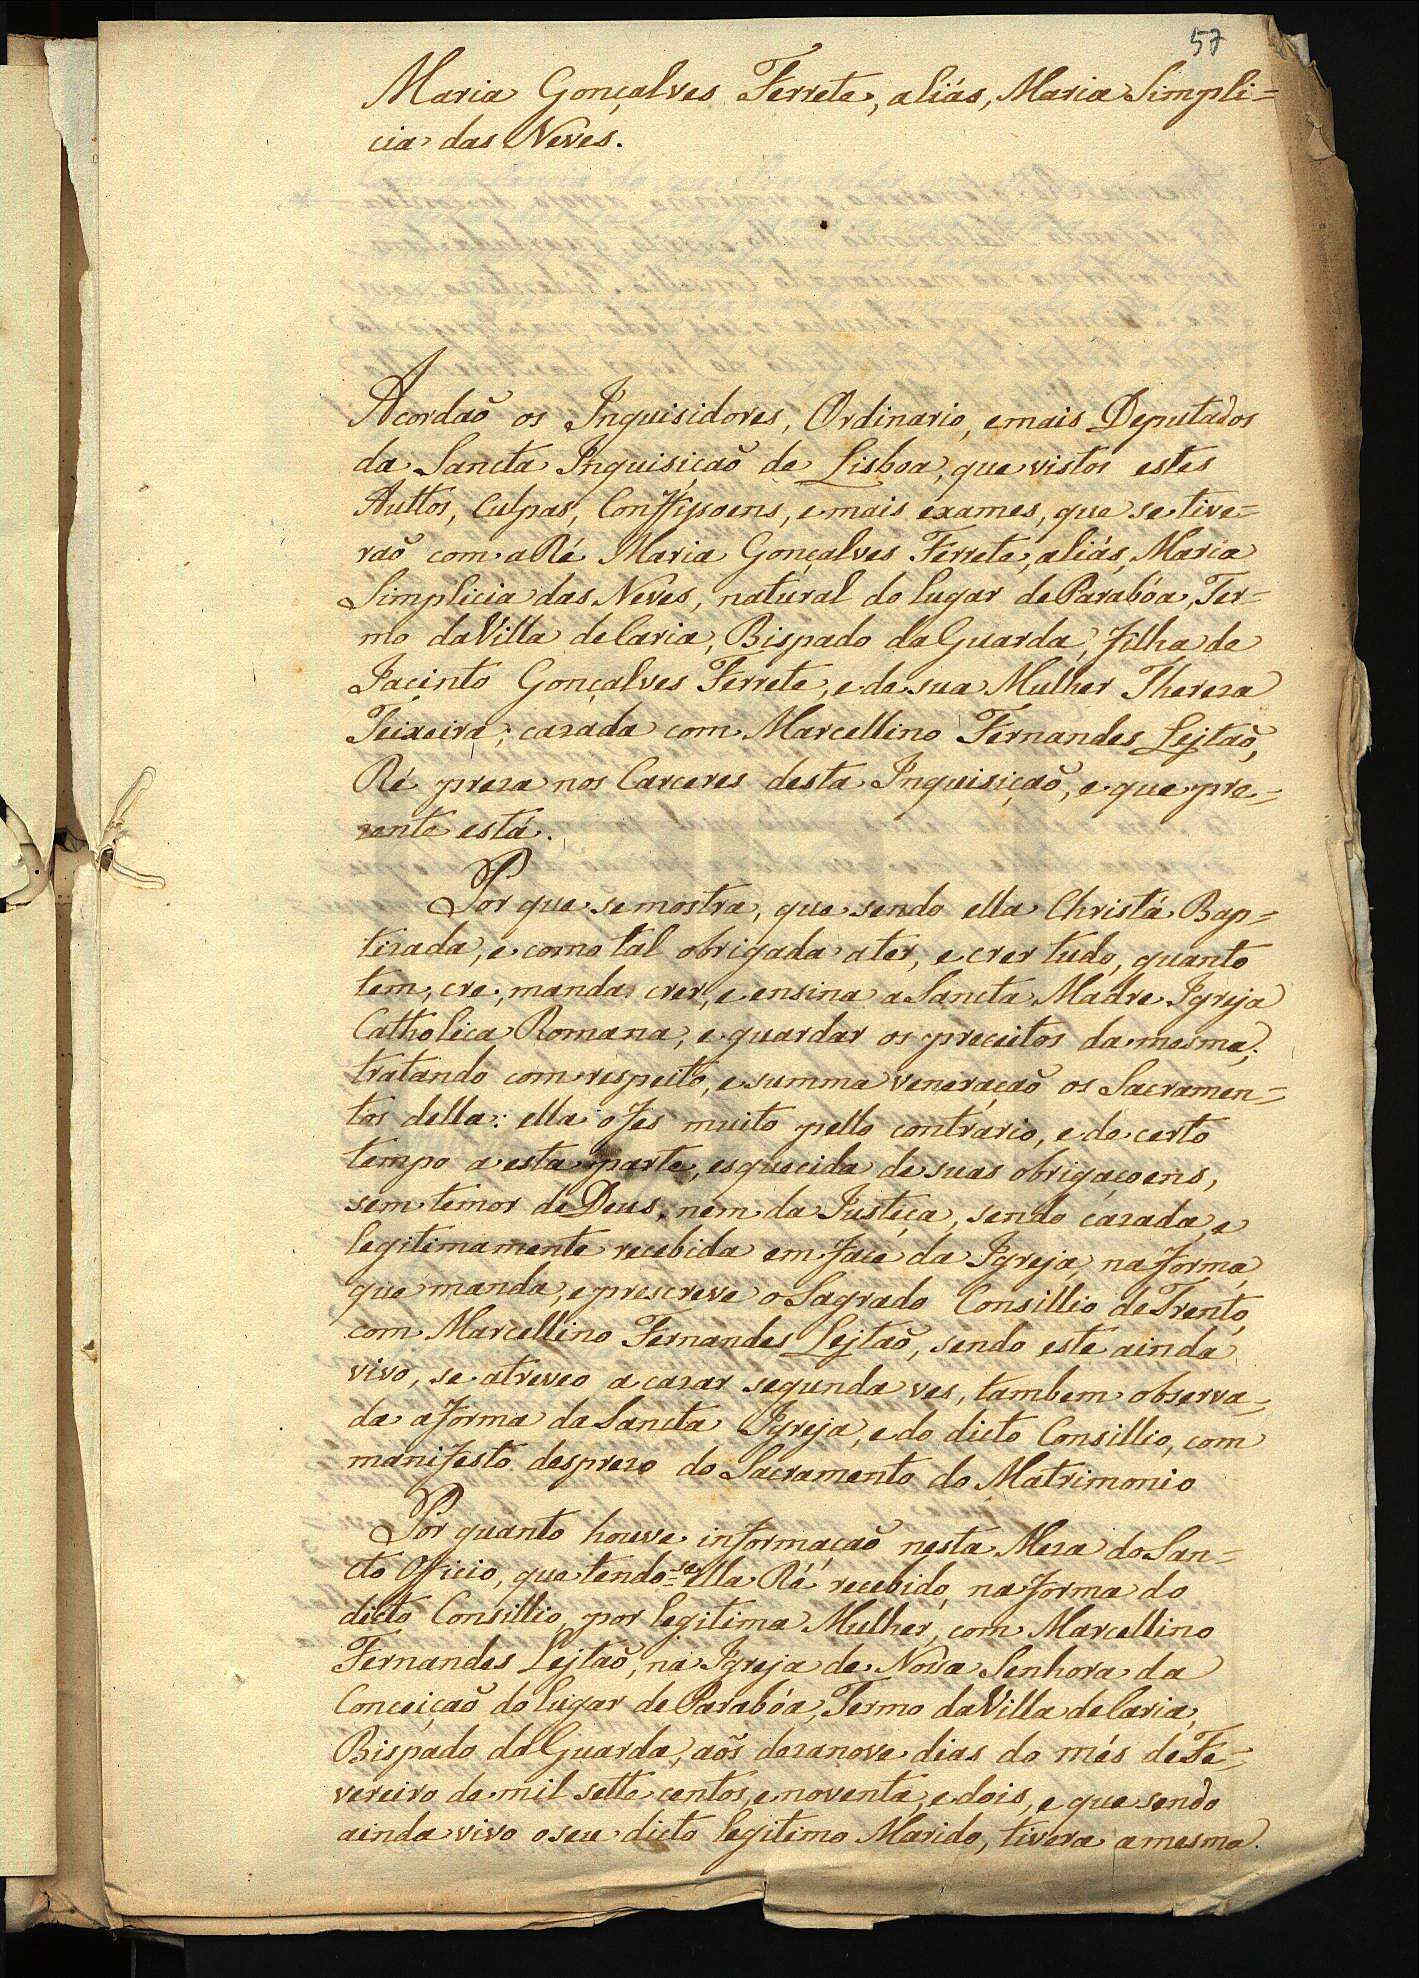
Maria Gonçalves Ferrete, aliás Maria Simpli
cia das Neves
Acordaõ os Inquisidores, Ordinario, e mais Deputados
da Sancta Inquisiçaõ de Lisboa, que vistos estes
Auttos, Culpas, Coffissoens, e mais exames, que se tive
raõ com a Ré Maria Gonçalves Ferrete, aliás Maria
Simplicia das Neves, natural do lugar de Parabóa, Ter
mo da Villa de Caria, Bispado da Guarda, filha de
Iacinto Gonçalves Ferrete, e de sua Mulher Theresa
Teixeira, cazada com Marcellino Fernandes Leitaõ,
Ré preza nos Carceres desta Inquisiçaõ, e que pre
zente está.
Por que se mostra, que sendo ella Christá, Bap
tizada, e como tal obrigada a ter, e crer tudo, quanto
tem, cre, manda crer, e ensina a Sancta Madre Igreja
Catholica Romana, e guardar os preceitos da mesma,
tratando com respeito, e summa veneração os Sacramen
tos della, ella o fes muito pello contrario, e de certo
tempo a esta parte, esquecida de suas obrigaçoens,
sem temor de Deus, nem da Iustiça, sendo cazada e
legitimamente recebida em face da Igreja, na forma
que manda, e prescreve o Sagrado Consillio de Trento,
com Marcellino Fernandes Lejtaõ, sendo este ainda
vivo, se atreveo a cazar segunda ves, tambem observa
da a forma da Sancta Igreja, e do dicto Consillio, com
manifesto desprezo do Sacramento do Matrimonio
Por quanto houve informaçaõ nesta Meza do San
cto Officio, que tendo=se ella Ré recebido, na forma do
dicto Consillio, por legitima Mulher com Marcellino
Fernandes Lejtaõ, na Igreja de Nossa Senhora da
Conceiçaõ do Lugar de Parabóa, Termo da Villa de Caria,
Bispado da Guarda, aos dezanove dias do més de Fe
vereiro de mil sette centos e noventa, e dois, e que sendo
ainda vivo o seu dicto legitimo Marido, tivera a mesma
